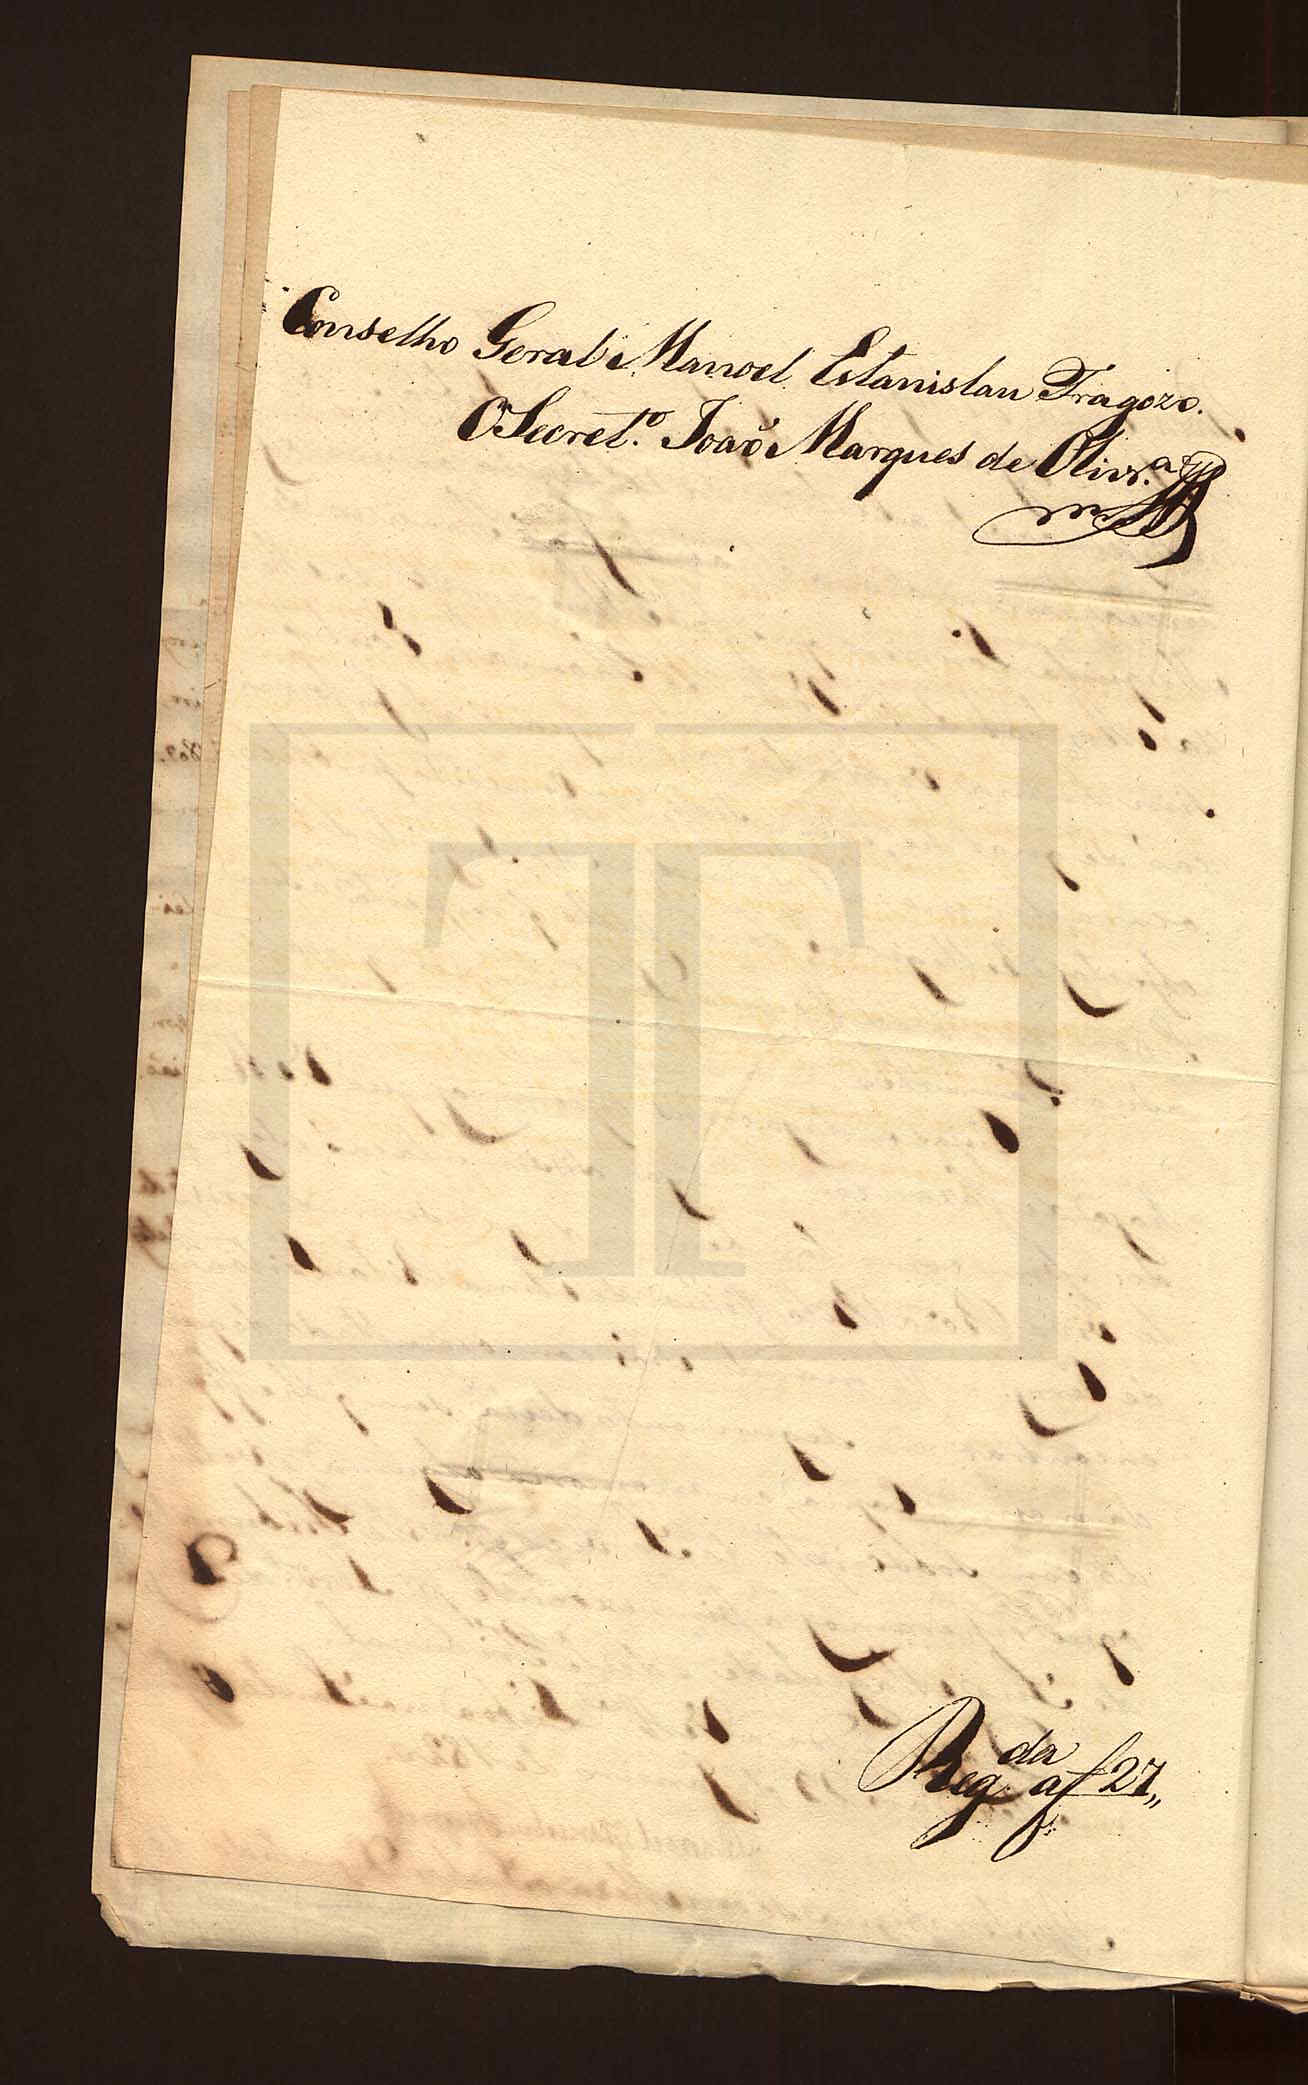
Conselho Geral Manoel Estanislau Fragozo.
O Secret.o Ioaõ Marques de Olivr.a
Reg.da a f.27
